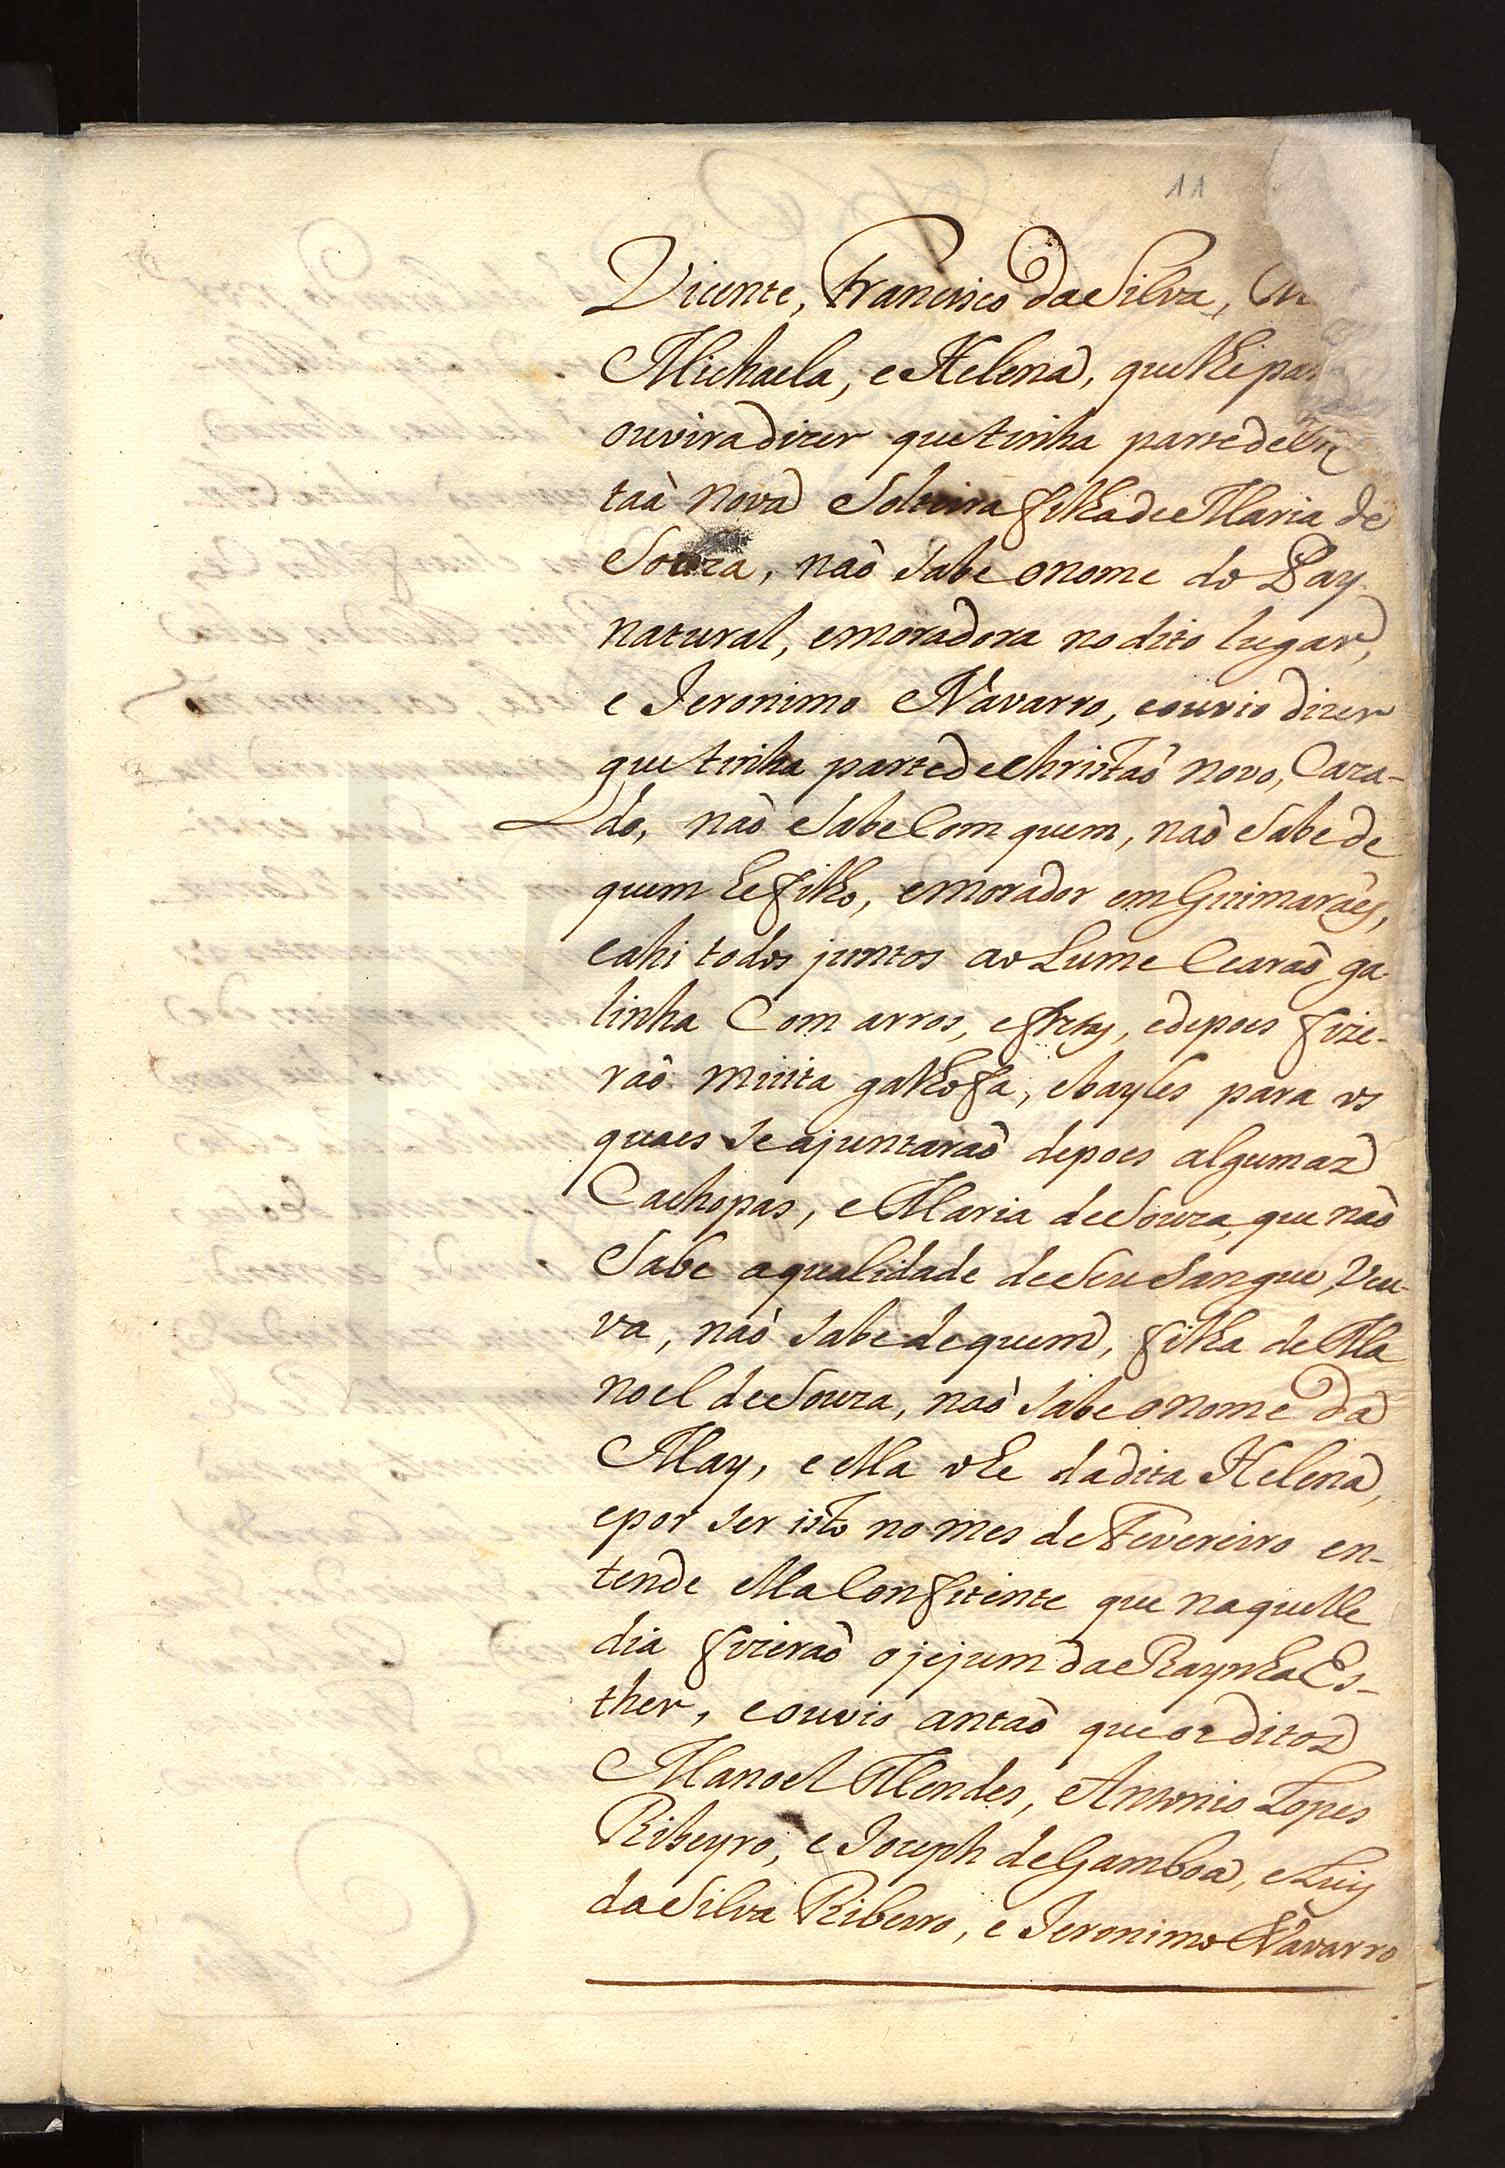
Vicente, Francisco da Silva, M_
Michaela, e Helena, que lhe pa
ouvira dizer que tinha parte de
taã nova Solteira filha de Maria de
Souza, não sabe o nome do Pay
natural, e moradora no dito lugar,
e Ieronimo Navarro, e ouvio dizer
que tinha parte de christaõ novo, Caza
do, não sabe com quem, não sabe de
quem he filho, e morador em Guimarães,
e ahi todos juntos ao Lume Cearaõ, ga
linha Com arros, e frutas, e depois fize
raõ muita galhofa, e bayles para os
quaes se ajuntaraõ depoes algumaz
Cachopas, e Maria de Souza, que não
Sabe a qualidade de seu Sangue, Veu
va, não sabe de quem, filha de Ma
noel de Souza, naõ sabe o nome da
May, e ella o he da dita Helena,
e por ser isto no mes de Fevereiro en
tende ella Confitente que naquelle
dia fizeraõ o jejum da Raynha Es
ther, e ouvio antaõ que os ditoz
Manoel Mendes, Antonio Lopes
Ribeyro, e Iozeph de Gamboa, e Luis
da Silva Ribeiro, e Ieronimo Navarro
